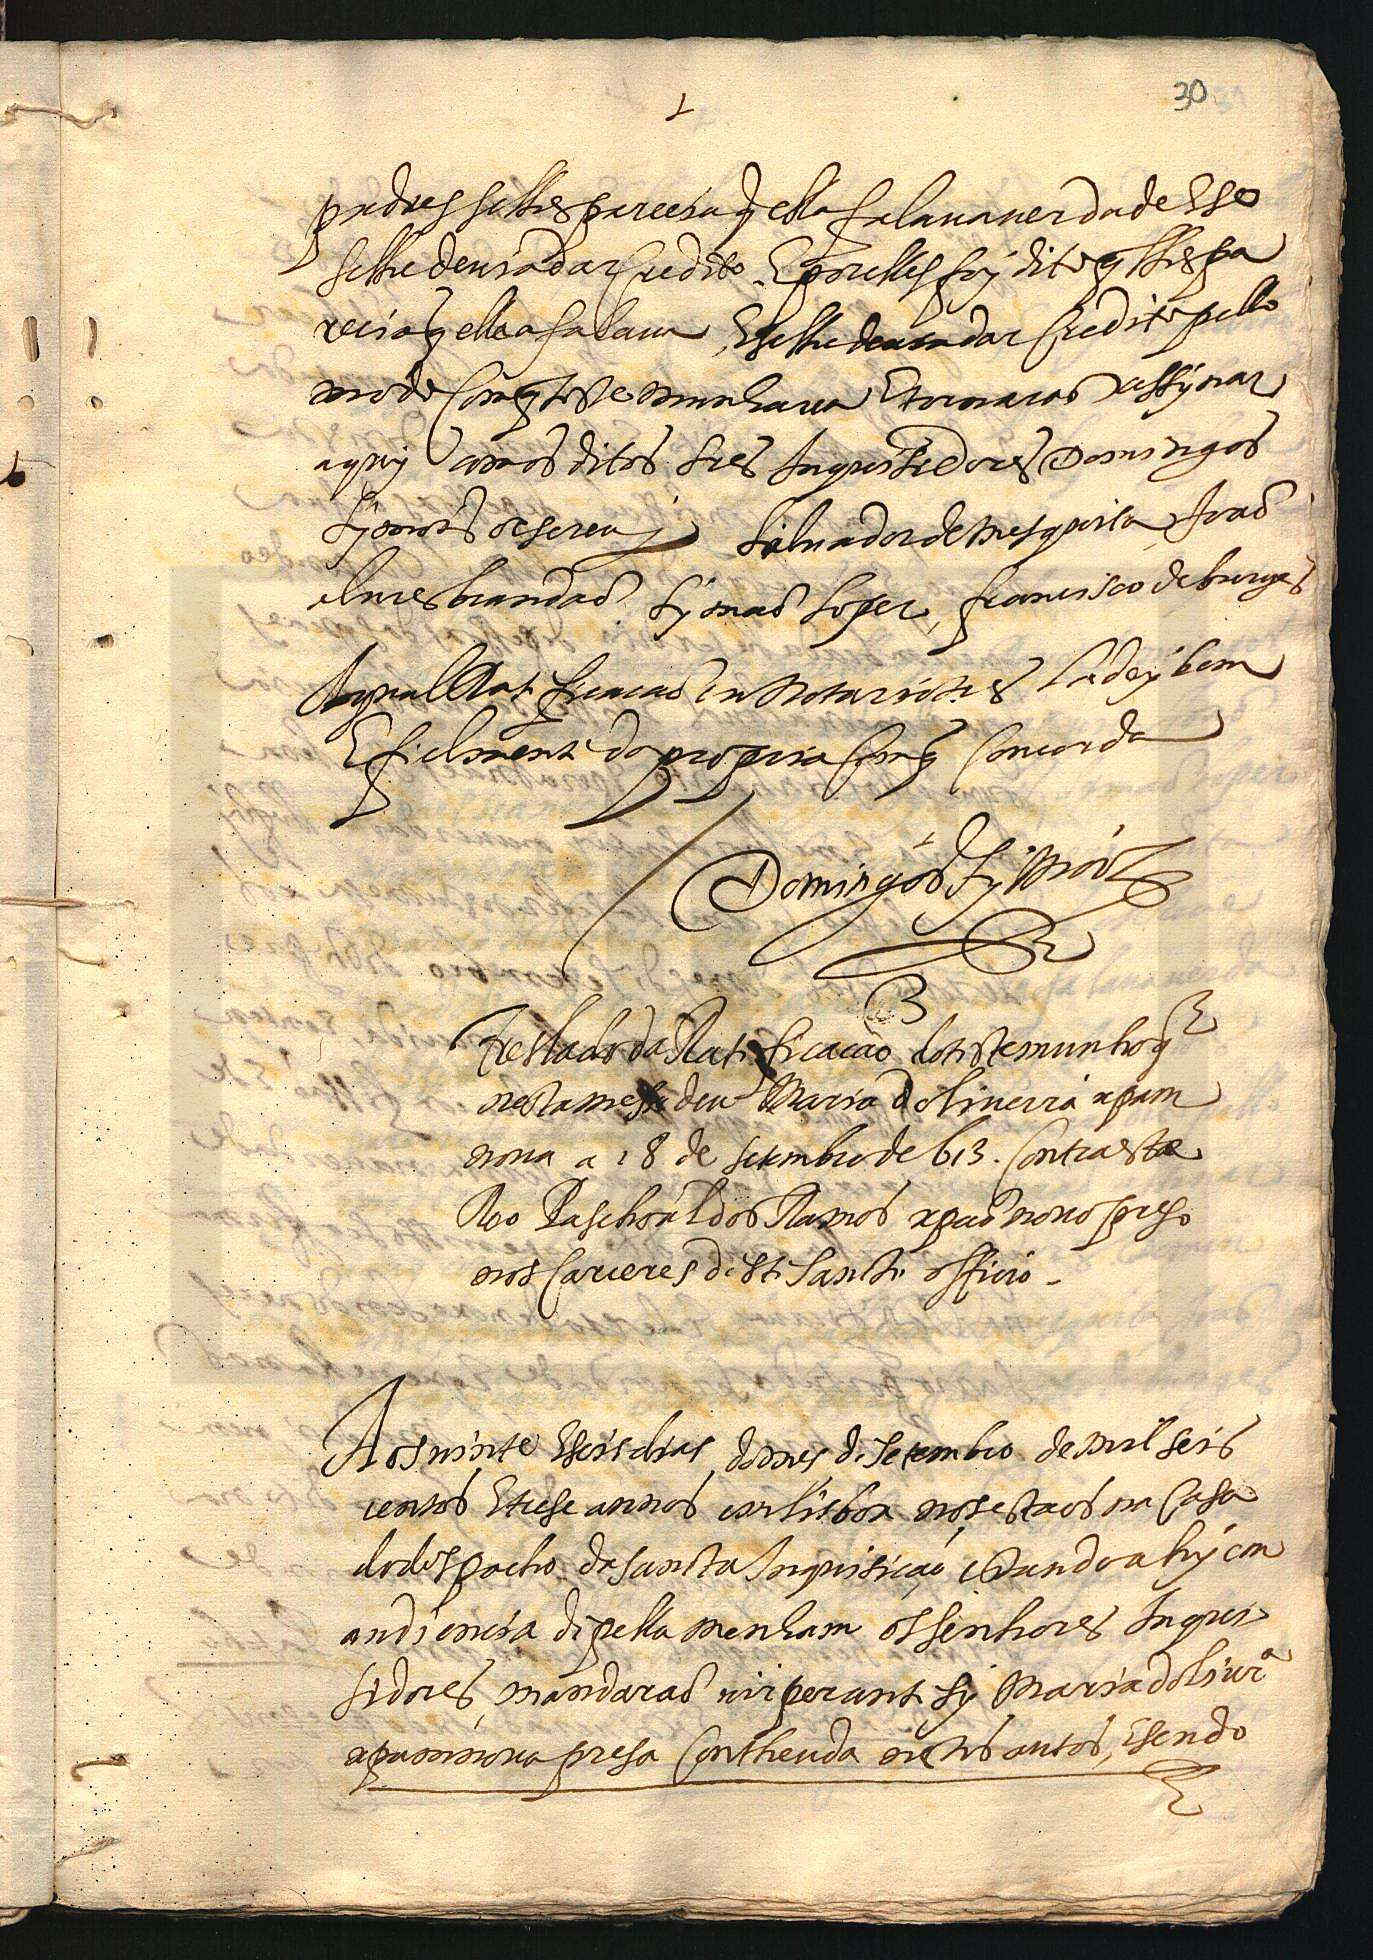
padres se lhes parecia q̄ ella falaua uerdade E se
se lhe deuia dar Credito. E por elles foy dito q̄ lhes pa
recia q̄ ella a falaua, E se lhe deuia dar Credito pello
modo Com q̄ testemunhaua E tornaraõ assynar
aquy com os ditos sres̄ Inquisidores Domingos
Symões o escreuj saluador de mesquita Joaõ
alures brandaõ symaõ Lopez, francisco de burges
A qual ratificaçaõ eu Notario tresladey bem
E fielmente da propria Com q̄ Concorda
Treslado da Ratificação do testemunho q̄
nesta mesa deu Maria doliueira xpam
noua a 28 de setembro de 613. Contra este
Reo Paschoal dos Ramos xpaõ nouo preso
nos Carceres deste Sto Sancto officio.
Aos uinte E seis dias do mes de Setembro de mil seis
centos E trese annos em lisboa nos estaos na Casa
do despacho da Sancta Inquisiçaõ, estando ahy em
audiencia de pella menham os senhores Inqui
sidores, mandaraõ uir perante sy Maria doliura
xpam noua presa Contheuda nestes autos, E sendo
